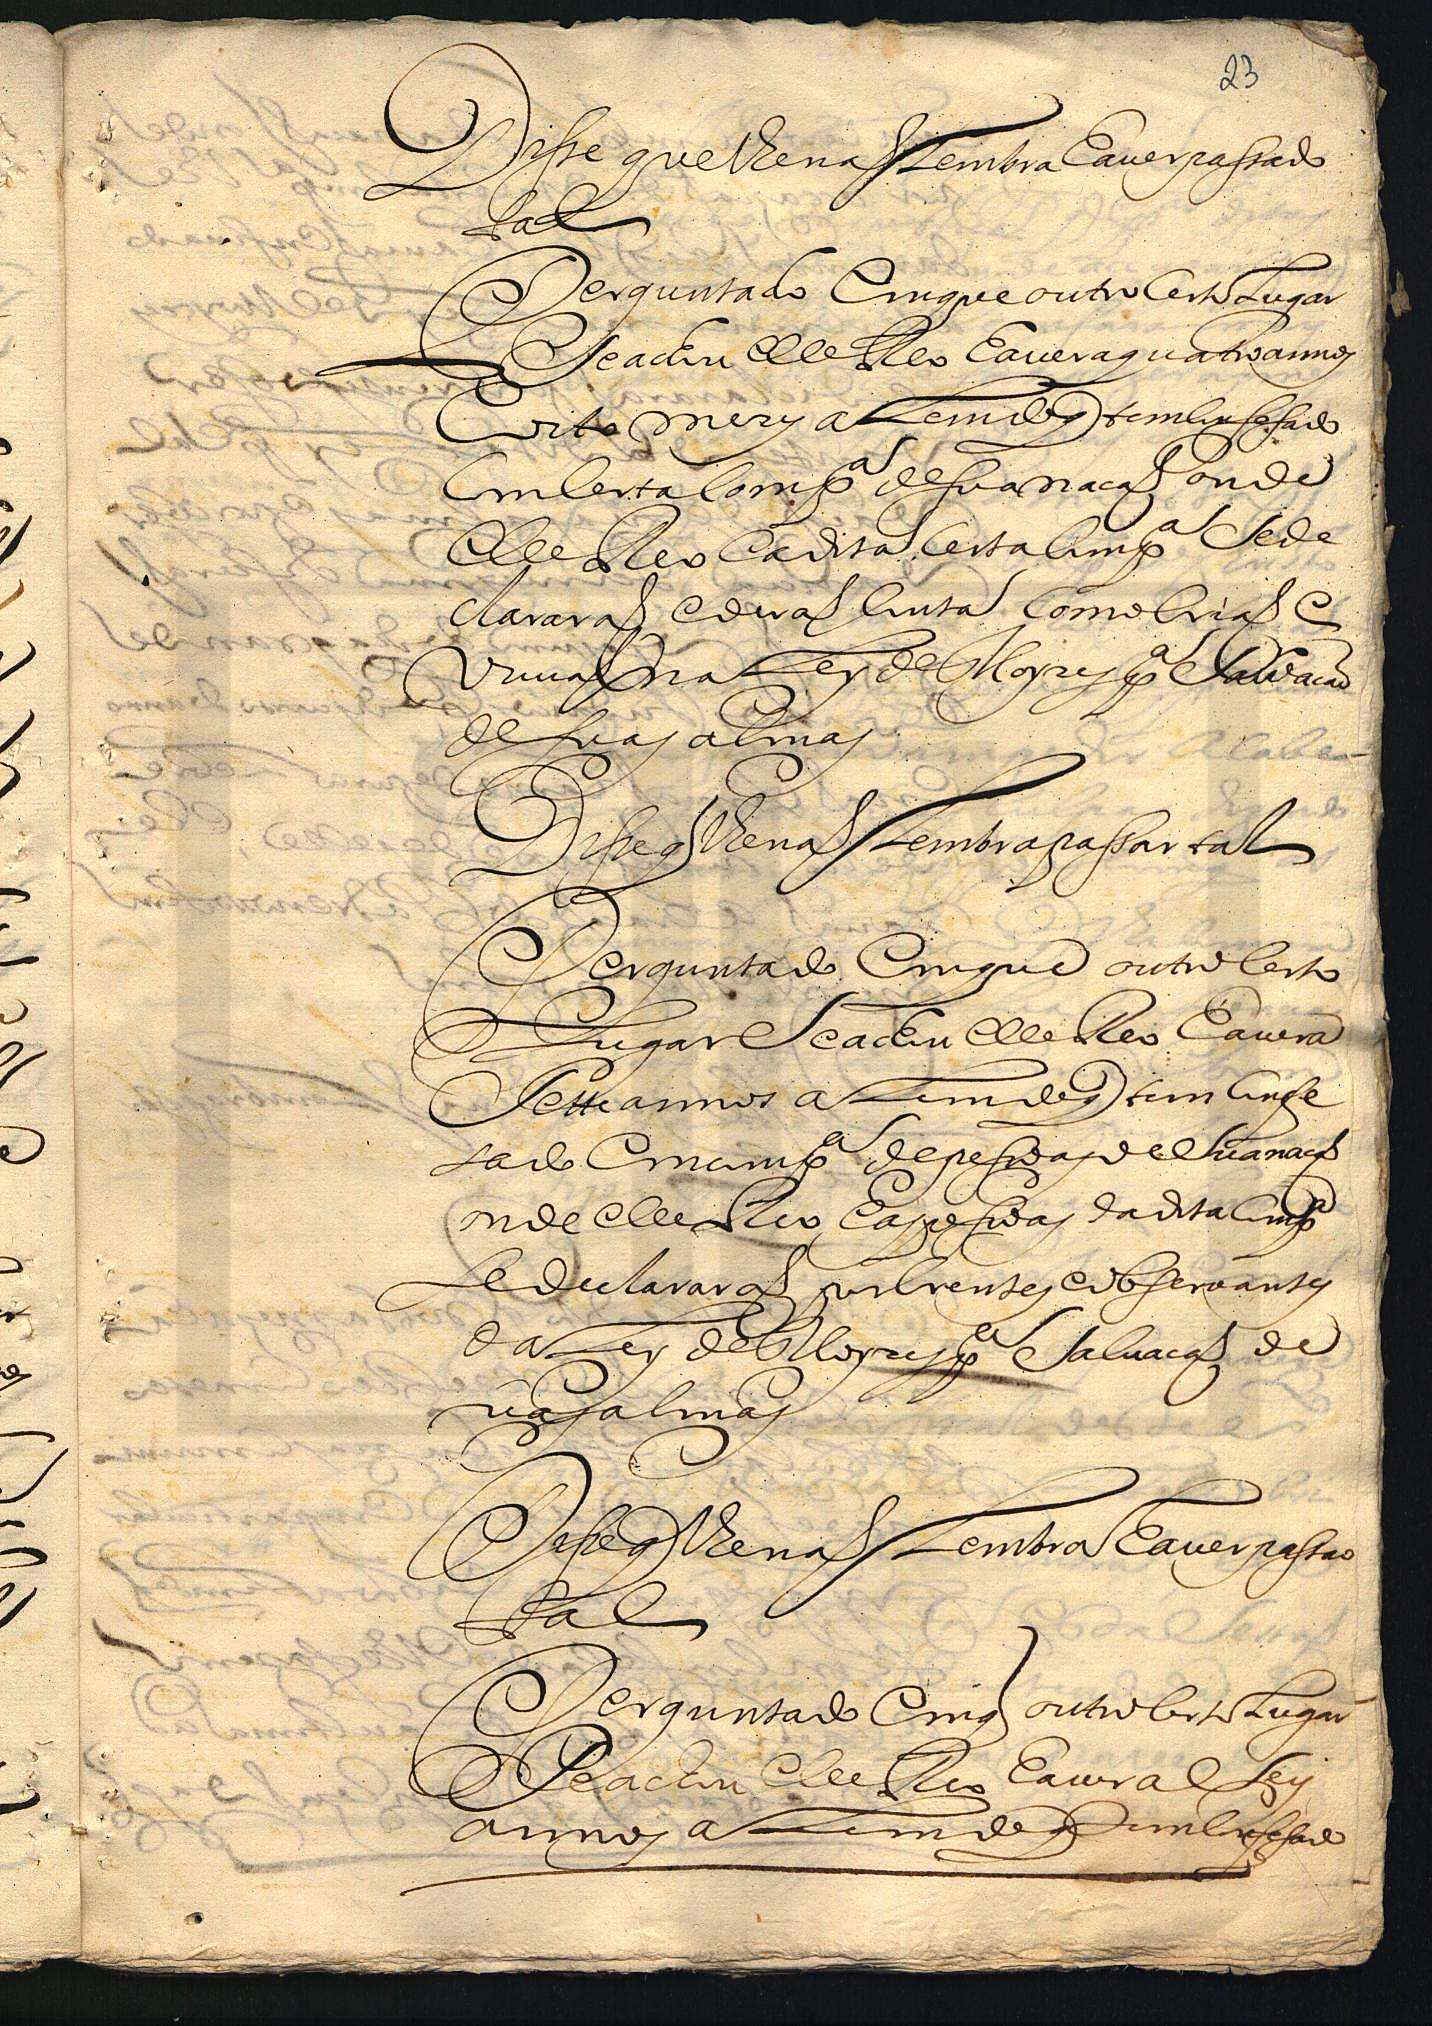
Disse que lhe naꝭ Lembra hauer passado
tal
Perguntado Em que outro certo Lugar
Se achou ele Reo hauera quatro annos
E oito mezes aLem do q̄ tem confesado
Com Certa Compa de sua naçaõ onde
elle Reo e a dita certa Compa Se de
clararaõ e deraõ Conta Como Criaõ e
viuiaõ na Ley de Moyzes pa Salvaçaõ
de suas almas
Disse q̄ lhe naõ Lembra passar taL
Perguntado Em que outro Certo
Lugar Se achou elle Reo hauera
Sette annos aLem do q̄ tem Confe
sado Em compa de pessoas de Sua naçaõ
onde elle Reo e as pessoas da dita Compa
se declararaõ por Crentes e observantes
da Ley de Moyzes pa Saluaçaõ de
suas almas
Disse q̄ lhe naõ Lembra hauer passao
tal
Perguntado Em q̄ outro Certo Lugar
Se achou elle Reo hauera Seis
annos aLem do q̄ tem confesado
